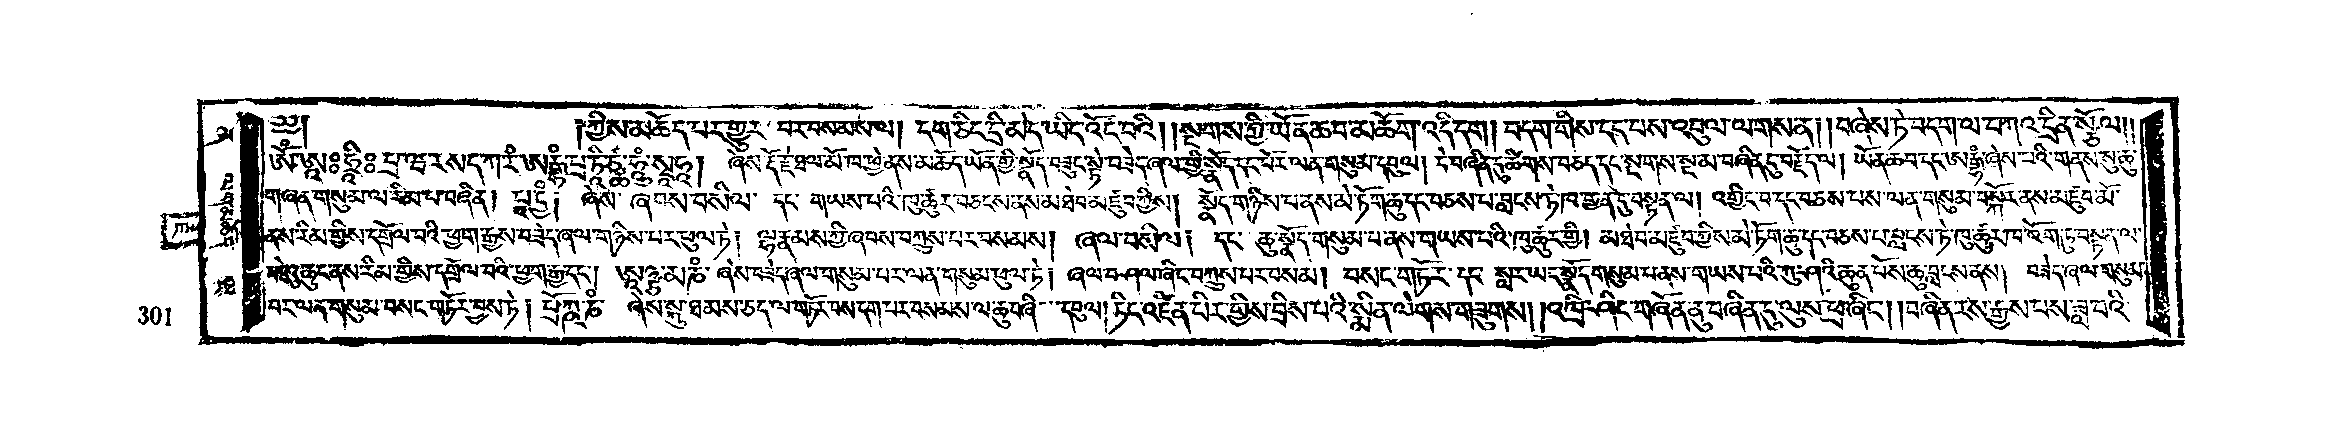༄༅། །ཀྱིས་མཆོད་པར་གྱུར་པར་བསམས་ལ།  དག་ཅིང་དྲི་མེད་ཡིད་འོང་བའི། །སྔགས་ཀྱི་ཡོན་ཆབ་མཆོག་འདི་དག །བདག་གིས་དད་པས་འབུལ་ལགས་ན། །བཞེས་ཏེ་བདག་ལ་བཀའ་དྲིན་སྩོལ། །
ཨོཾ་ཨཱཿ ཧྲཱིཿ པྲ་ཝ་ར་སད་ཀ་རཾ་ཨརྒྷཾ་པྲ་ཏཱི་ཙྪ་ཧཱུཾ་སྭཱཧཱ། ཞེས་རྡོ་རྗེ་ཐལ་མོ་ཁ་ཕྱེ་ནས་མཆོད་ཡོན་གྱི་སྣོད་བཟུང་སྟེ་བཟེད་ཞལ་གྱི་སྣོད་དང་པོར་ལན་གསུམ་དབུལ། དེ་བཞིན་དུ་ཚིགས་བཅད་དང་སྔགས་སྔ་མ་བཞིན་དུ་བརྗོད་ལ། ཡོན་ཆབ་དང་ཨརྒྷཾ་ཞེས་པའི་གནས་སུ་ཆུ་
གཞན་གསུམ་ལ་རིམ་པ་བཞིན། པཱ་དྱཾ། ཞེས་ཞབས་བསིལ་དང་གཡས་པའི་ཁུ་ཚུར་བཅངས་ནས་མཐེབ་མཛུབ་ཀྱིས། སྣོད་གཉིས་པ་ནས་མེ་ཏོག་ཆུ་དང་བཅས་པ་བླངས་ཏེ་ཁ་གྱེན་དུ་བསྟན་ལ། འགྱིང་བ་དང་བཅས་པས་ལན་གསུམ་བསྐོར་ནས་མཛུབ་མོ་
ནས་རིམ་གྱིས་དགྲོལ་བའི་ཕྱག་རྒྱས་བཟེད་ཞལ་གཉིས་པར་ཕུལ་ཏེ། ལྷ་རྣམས་ཀྱི་ཞབས་བཀྲུས་པར་བསམས། ཞལ་བསིལ། དང་ཆུ་སྣོད་གསུམ་པ་ནས་གཡས་པའི་ཁུ་ཚུར་གྱི། མཐེབ་མཛུབ་ཀྱིས་མེ་ཏོག་ཆུ་དང་བཅས་པ་བླངས་ཏེ་ཁུ་ཚུར་ཁ་འོག་ཏུ་བསྟན་ལ་
མཐེའུ་ཆུང་ནས་རིམ་གྱིས་དགྲོལ་བའི་ཕྱག་རྒྱ་དང་། ཨཱཉྩ་མ་ཎཾ་ཞེས་བཟེད་ཞལ་གསུམ་པར་ལན་གསུམ་ཕུལ་ཏེ། ཞལ་བཤལ་ཞིང་བཀྲུས་པར་བསམ།  བསང་གཏོར་དང་སླར་ཡང་སྣོད་གསུམ་པ་ནས་གཡས་པའི་ཀུ་ཤའི་ཆུན་པོས་ཆུ་བླངས་ནས། བཟེད་ཞལ་གསུམ་
པར་ལན་གསུམ་བསང་གཏོར་བྱས་ཏེ། པྲོ་ཀྵ་ཎཾ་ཞེས་སྐུ་ཐམས་ཅད་ལ་གཏོར་བས་དག་པར་བསམས་ལ་ཆུ་བཞི་དབུལ།  ཏིང་འཛིན་པིར་གྱིས་བྲིས་པའི་སྨིན་ལེགས་གཟུགས། །འཁྲི་ཤིང་གཞོན་ནུ་བཞིན་དུ་ལུས་ཕྲ་ཞིང་། །བཞིན་རས་རྒྱས་པས་ཟླ་བའི་